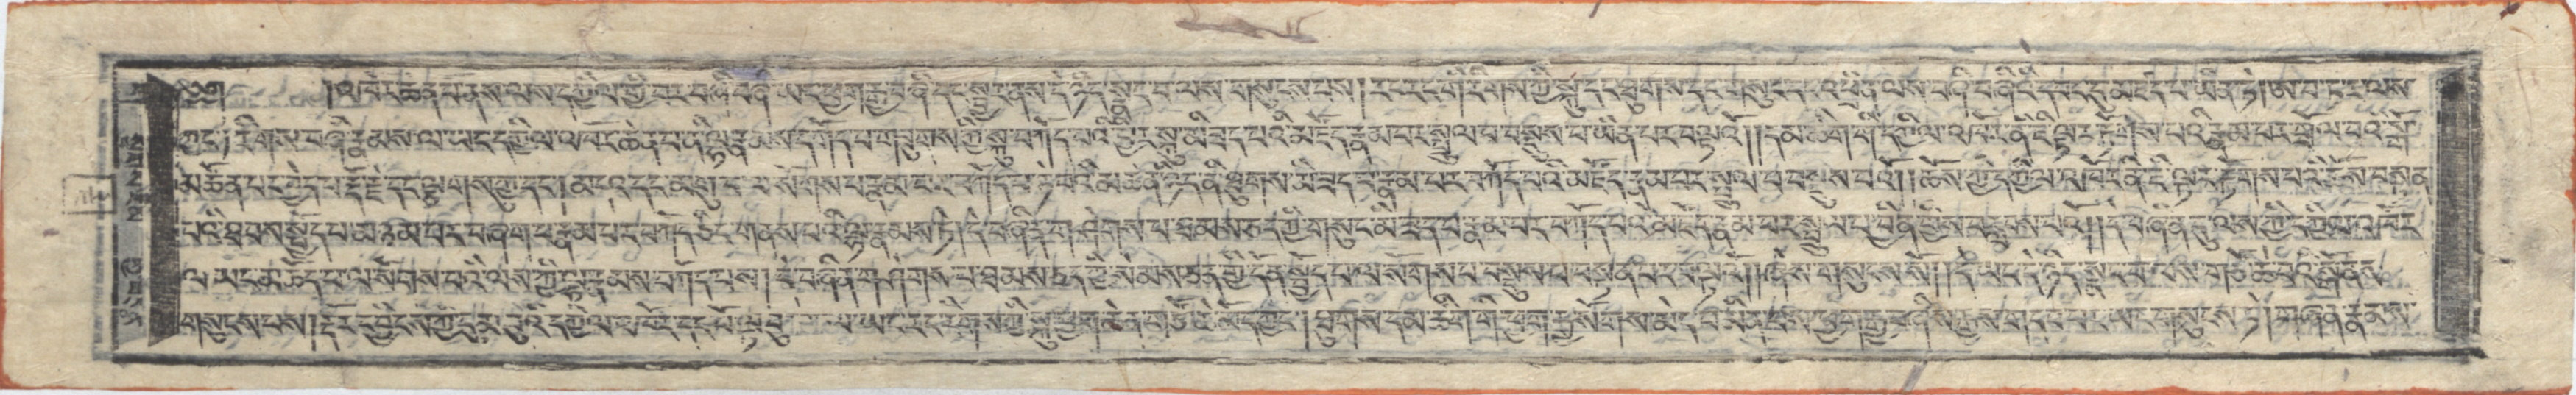༄༅། །འཁོར་ཆེན་པོ་ནས་ལས་དཀྱིལ་གྱི་བར་བཞི་བཞི་ཡང་ཕྱག་རྒྱ་བཞི་དང་སྦྱར་ནས་དེ་ཉིད་སྣང་བ་ལས་གསུངས་པས། རང་རང་གི་རིགས་ཀྱི་སྐུ་དང་ཐུགས་དང་གསུང་དང་འཕྲིན་ལས་བཞི་བཞིའི་དབང་དུ་མཛད་པ་ཡིན་ཏེ། ཨ་བ་ཏ་ར་ལས་
ཀྱང་། རིགས་བཞི་རྣམས་ལ་ཡང་དཀྱིལ་འཁོར་ཆེན་པོ་ནི་ལྷ་རྣམས་དགོད་པ་གཟུགས་ཀྱི་སྐུ་བཀོད་པའི་ཕྱིར་སྐུ་མི་ཟད་པའི་མཛོད་རྣམ་པར་སྤྲུལ་པ་བསྡུས་པ་ཡིན་པར་བལྟའོ། །དམ་ཚིག་གི་དཀྱིལ་འཁོར་ནི་ཇི་ལྟར་རྟོགས་པའི་རྣམ་པར་གྲོལ་བའི་སྒོ་
མཚོན་པར་བྱེད་པ་རྡོ་རྗེ་དང་ལྕགས་ཀྱུ་དང་། མདའ་དང་མགུ་བ་ལ་སོགས་པ་རྣམ་པར་བཀོད་པ་ཉེ་བའི་མཚན་ཉིད་ནི་ཐུགས་མི་ཟད་པ་རྣམ་པར་བཀོད་པའི་མཛོད་རྣམ་པར་སྤྲུལ་པ་བསྡུས་པའོ། །ཆོས་ཀྱི་དཀྱིལ་འཁོར་ནི་ཇི་ལྟར་རྟོགས་པའི་ཆོས་བསྟན་
པའི་ཐབས་སྤྱོད་པ་མཉམ་པར་བཞག་པ་རྣམ་པར་བཀོད་ཅིང་གནས་པའི་ལྷ་རྣམས་ཏེ། དེ་བཞིན་གཤེགས་པ་ཐམས་ཅད་ཀྱི་གསུང་མི་ཟད་པ་རྣམ་པར་བཀོད་པའི་མཛོད་རྣམ་པར་སྤྲུལ་པ་བྱིན་གྱིས་བརླབས་པའོ། །དེ་བཞིན་དུ་ལས་ཀྱི་དཀྱིལ་འཁོར་
ལ་ཡང་མཆོད་པ་ལ་སོགས་པའི་ལས་ཀྱི་ལྷ་རྣམས་བཀོད་པས། དེ་བཞིན་གཤེགས་པ་ཐམས་ཅད་ཀྱི་སེམས་ཅན་གྱི་དོན་སྤྱོད་པ་ལ་སོགས་པ་བསྡུས་པ་བསྟན་པར་བལྟའོ། །ཞེས་གསུངས་སོ། །དེ་ཡང་དེ་ཉིད་སྣང་བ་ལས་གཙོ་ཆེ་བའི་སྒོ་ནས་
གསུངས་པས། རྡོར་དབྱིངས་ཀྱི་དུམ་བུའི་དཀྱིལ་འཁོར་དང་པོ་ལྟ་བུ་ལ་ཡང་རང་རིགས་ཀྱི་སྐུ་ཕྱག་ཆེན་གཙོ་ཆེ་མོད་ཀྱང་། ཐུགས་དམ་ཚིག་གི་ཕྱག་རྒྱ་སོགས་མེད་པ་མིན་པས་ཕྱག་རྒྱ་བཞིས་རྒྱས་གདབ་པར་ཡང་གསུངས་ཏེ། གཞན་རྣམས་